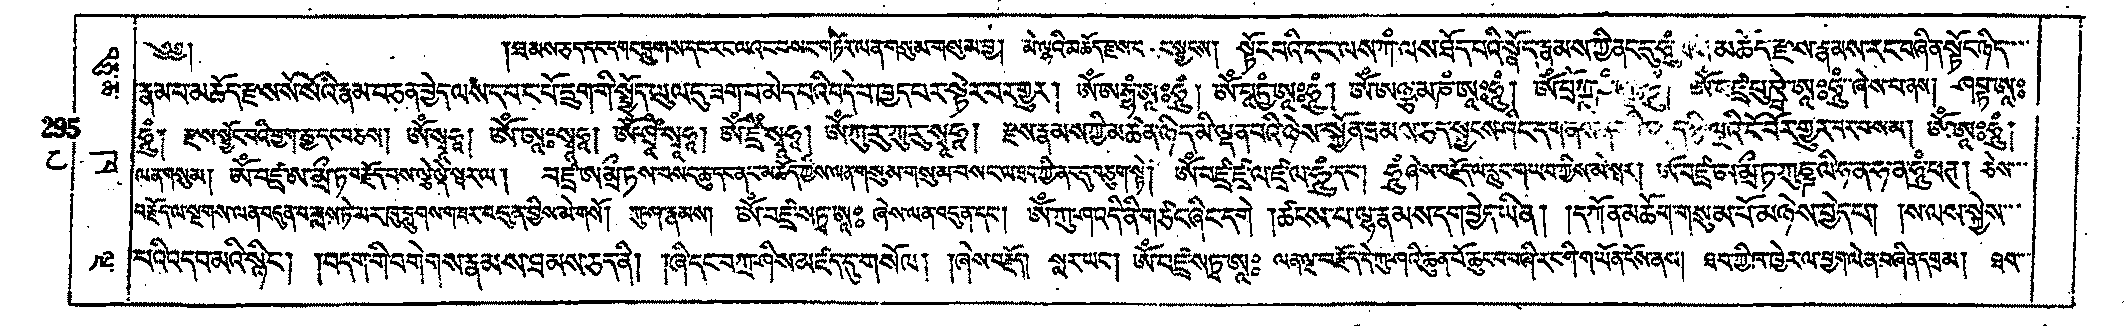༄༅། །ཐམས་ཅད་དང་དགང་བླུགས་དང་རང་ལའང་བསང་གཏོར་ལན་གསུམ་གསུམ་བྱ། མེ་ལྷའི་མཆོད་རྫས་བསང་སྦྱངས།  སྟོང་པའི་ངང་ལས་ཀཾ་ལས་ཐོད་པའི་སྣོད་རྣམས་ཀྱི་ནང་དུ་ཧཱུཾ་ལས་མཆོད་རྫས་རྣམས་རང་བཞིན་སྟོང་ཉིད་་་
རྣམ་པ་མཆོད་རྫས་སོ་སོའི་རྣམ་པ་ཅན་བྱེད་ལཾས་དབང་པོ་དྲུག་གི་སྤྱོད་ཡུལ་དུ་ཟག་པ་མེད་པའི་བདེ་བ་ཁྱད་པར་སྟེར་བར་གྱུར། ཨོཾ་ཨརྒྷཾ་ཨཱཿཧཱུཾ། ཨོཾ་པཱདྱཾ་ཨཱཿཧཱུཾ། ཨོཾ་ཨཉྩ་མ་ཎཾ་ཨཱཿཧཱུཾ། ཨོཾ་པྲོཀྵ་ཎཾ་ཨཱཿཧཱུཾ། ཨོཾ་བཛྲ་པུཥྤེ་ཨཱཿཧཱུཾ་་་ཞེས་པ་ནས།  ཤཔྟ་ཨཱཿ
ཧཱུཾ༑ རྫས་སྦྱོང་བའི་ཕྱག་རྒྱ་དང་བཅས།  ཨོཾ་སྭཱཧཱ། ཨོཾ་ཨཱཿསྭཱཧཱ། ཨོཾ་ཤྲཱིཾ་སྭཱཧཱ། ཨོཾ་ཛྲིཾ་སྭཱཧཱ། ཨོཾ་ཀུ་རུ་ཀུ་རུ་སྭཱཧཱ། རྫས་རྣམས་ཀྱི་མཚན་ཉིད་མི་ལྡན་པའི་ཉེས་སྐྱོན་ཐམས་ཅད་སྦྱངས་ཤིང་དག་ནས་ནང་གི་བདུད་རྩི་ལྔའི་ངོ་བོར་གྱུར་པར་བསམ།  ཨོཾ་ཨཱཿཧཱུཾ།
ལན་གསུམ།  ཨོཾ་བཛྲ་ཨ་མྲྀ་ཏ་བརྗོད་པས་ལྕེ་ལྡེ་སྦར་ལ།  བཛྲ་ཨམྲྀ་ཏས་བསང་ཆུ་དང་ནང་མཆོད་ཀྱིས་ལན་གསུམ་གསུམ་བསང་ལ་ཐབ་ཀྱི་ནང་དུ་བཅུག་སྟེ།  ཨོཾ་བཛྲ་ཛྭ་ལ་ཛྭ་ལ་ཧཱུཾ་དང་། ཧཱུཾ་ཞེས་བརྗོད་ལ་རླུང་གཡབ་ཀྱིས་མེ་སྦར།  ཨོཾ་བཛྲ་ཨ་མྲྀ་ཏ་ཀུཎྜ་ལི་ཧ་ན་ཧ་ན་ཧཱུཾ་ཕཌ། ཅེས་་་
བརྗོད་ལ་སྔགས་ལན་བདུན་བཟླས་ཏེ་མར་ཁུ་བླུགས་གཟར་བདུན་གྱིས་མེ་གསོ། ཀུ་ཤ་རྣམས། ཨོཾ་བཛྲ་སཏྭ་ཨཱཿ ཞེས་ལན་བདུན་དང་།  ཨོཾ་ཀུ་ཤ་འདི་ནི་གཙང་ཞིང་དགེ །ཚངས་པ་ལྷ་རྣམས་དག་བྱེད་ཡིན། །དཀོན་མཆོག་གསུམ་པོ་མཉེས་བྱེད་པ། །ས་ལས་སྐྱེས་་་
པའི་འདབ་མའི་སྙིང་། །བདག་གི་བགེགས་རྣམས་ཐམས་ཅད་ནི། །ཞི་དང་བཀྲ་ཤིས་མཛད་དུ་གསོལ། །ཞེས་བརྗོད། སླར་ཡང་།  ཨོཾ་བཛྲ་སཏྭ་ཨཱཿ ལན་ལྔ་བརྗོད་དེ་ཀུ་ཤའི་ཆུན་པོ་ཆུང་བ་བཞི་རང་གི་གཡོན་ངོས་ནས། ཐབ་ཀྱི་ཁ་ཁྱེར་ལ་ཕྱག་ལེན་བཞིན་དགྲམ། ཐབ་་་